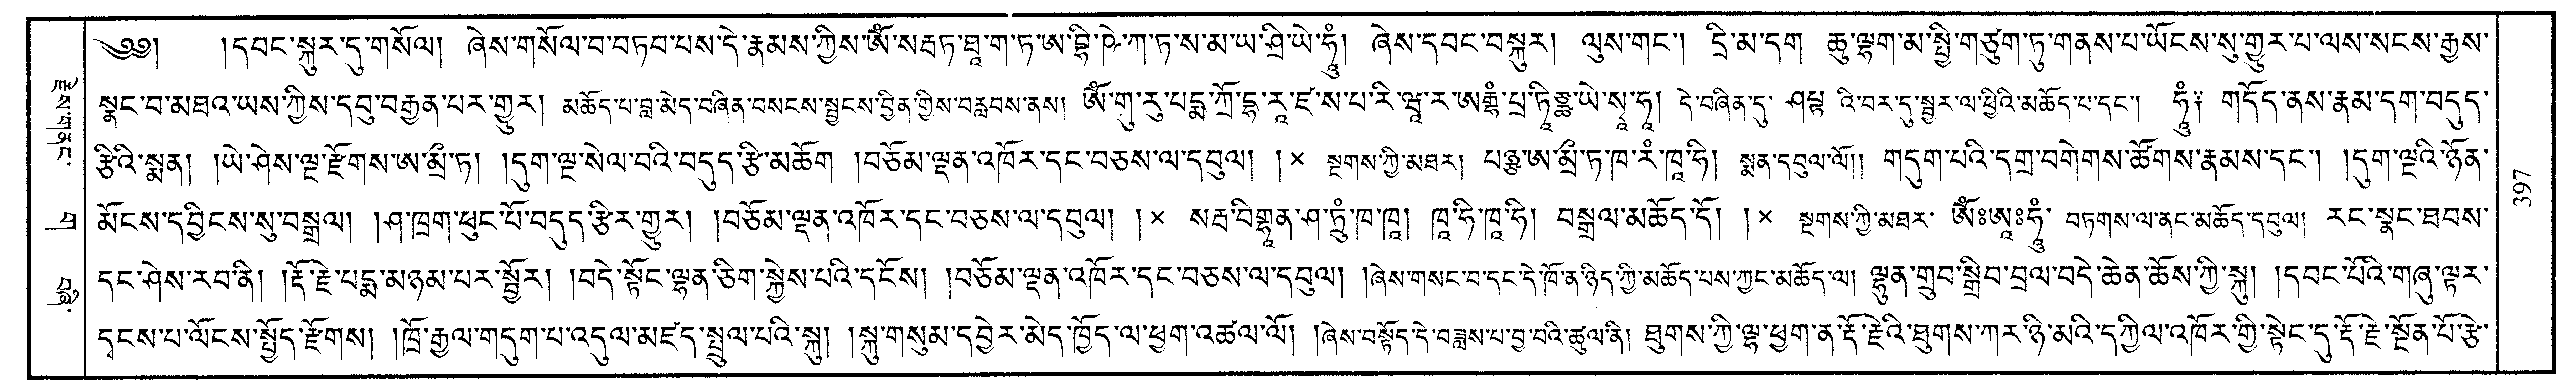༄༅། །དབང་སྐུར་དུ་གསོལ། ཞེས་གསོལ་བ་བཏབ་པས་དེ་རྣམས་ཀྱིས་ཨོཾ་སརྦ་ཏ་ཐཱ་ག་ཏ་ཨ་བྷིཥེ་ཀ་ཏ་ས་མ་ཡ་ཤྲི་ཡེ་ཧཱུཾ། ཞེས་དབང་བསྐུར། ལུས་གང་། དྲི་མ་དག །ཆུ་ལྷག་མ་སྤྱི་གཙུག་ཏུ་གནས་པ་ཡོངས་སུ་གྱུར་པ་ལས་སངས་རྒྱས་
སྣང་བ་མཐའ་ཡས་ཀྱིས་དབུ་བརྒྱན་པར་གྱུར། མཆོད་པ་བླ་མེད་བཞིན་བསངས་སྦྱངས་བྱིན་གྱིས་བརླབས་ནས། ཨོཾ་གུ་རུ་པདམ་ཀྲོ་དྷ་རཱ་ཛ་ས་བ་རི་ཝཱ་ར་ཨརྒྷཾ་པྲ་ཏཱི་ཙྪ་ཡེ་སྭཱ་ཧཱ། དེ་བཞིན་དུ་ཤཔྟའི་བར་དུ་སྦྱར་ལ་ཕྱིའི་མཆོད་པ་དང་། ཧཱུཾ། གདོད་ནས་རྣམ་དག་བདུད་
རྩིའི་སྨན། །ཡེ་ཤེས་ལྔ་རྫོགས་ཨ་མྲྀ་ཏ། །དུག་ལྔ་སེལ་བའི་བདུད་རྩི་མཆོག །བཅོམ་ལྡན་འཁོར་དང་བཅས་ལ་དབུལ། ། ྾་སྔགས་ཀྱི་མཐར། པཉྩ་ཨ་མྲྀ་ཏ་ཁ་རཾ་ཁཱ་ཧི། སྨན་དབུལ་ལོ།། གདུག་པའི་དགྲ་བགེགས་ཚོགས་རྣམས་དང་། །དུག་ལྔའི་ཉོན་
མོངས་དབྱིངས་སུ་བསྒྲལ། །ཤ་ཁྲག་ཕུང་པོ་བདུད་རྩིར་གྱུར། །བཅོམ་ལྡན་འཁོར་དང་བཅས་ལ་དབུལ། །྾་སརྦ་བིགྷཱ་ན་ཤ་ཏྲུཾ་ཁ་ཁཱ། ཁཱ་ཧི་ཁཱ་ཧི། བསྒྲལ་མཆོད་དོ། །྾་སྔགས་ཀྱི་མཐར་ཨོཾཿ ཨཱཿ ཧཱུཾ་བཏགས་ལ་ནང་མཆོད་དབུལ། རང་སྣང་ཐབས་
དང་ཤེས་རབ་ནི། །རྡོ་རྗེ་པདམ་མཉམ་པར་སྦྱོར། །བདེ་སྟོང་ལྷན་ཅིག་སྐྱེས་པའི་དངོས། །བཅོམ་ལྡན་འཁོར་དང་བཅས་ལ་དབུལ། །ཞེས་གསང་བ་དང་དེ་ཁོ་ན་ཉིད་ཀྱི་མཆོད་པས་ཀྱང་མཆོད་ལ། ལྷུན་གྲུབ་སྒྲིབ་བྲལ་བདེ་ཆེན་ཆོས་ཀྱི་སྐུ། །དབང་པོའི་གཞུ་ལྟར་
དྭངས་པ་ལོངས་སྤྱོད་རྫོགས། །ཁྲོ་རྒྱལ་གདུག་པ་འདུལ་མཛད་སྤྲུལ་པའི་སྐུ། །སྐུ་གསུམ་དབྱེར་མེད་ཁྱོད་ལ་ཕྱག་འཚལ་ལོ། །ཞེས་བསྟོད་དེ་བཟླས་པ་བྱ་བའི་ཚུལ་ནི། ཐུགས་ཀྱི་ལྷ་ཕྱག་ན་རྡོ་རྗེའི་ཐུགས་ཀར་ཉི་མའི་དཀྱིལ་འཁོར་གྱི་སྟེང་དུ་རྡོ་རྗེ་སྔོན་པོ་རྩེ་